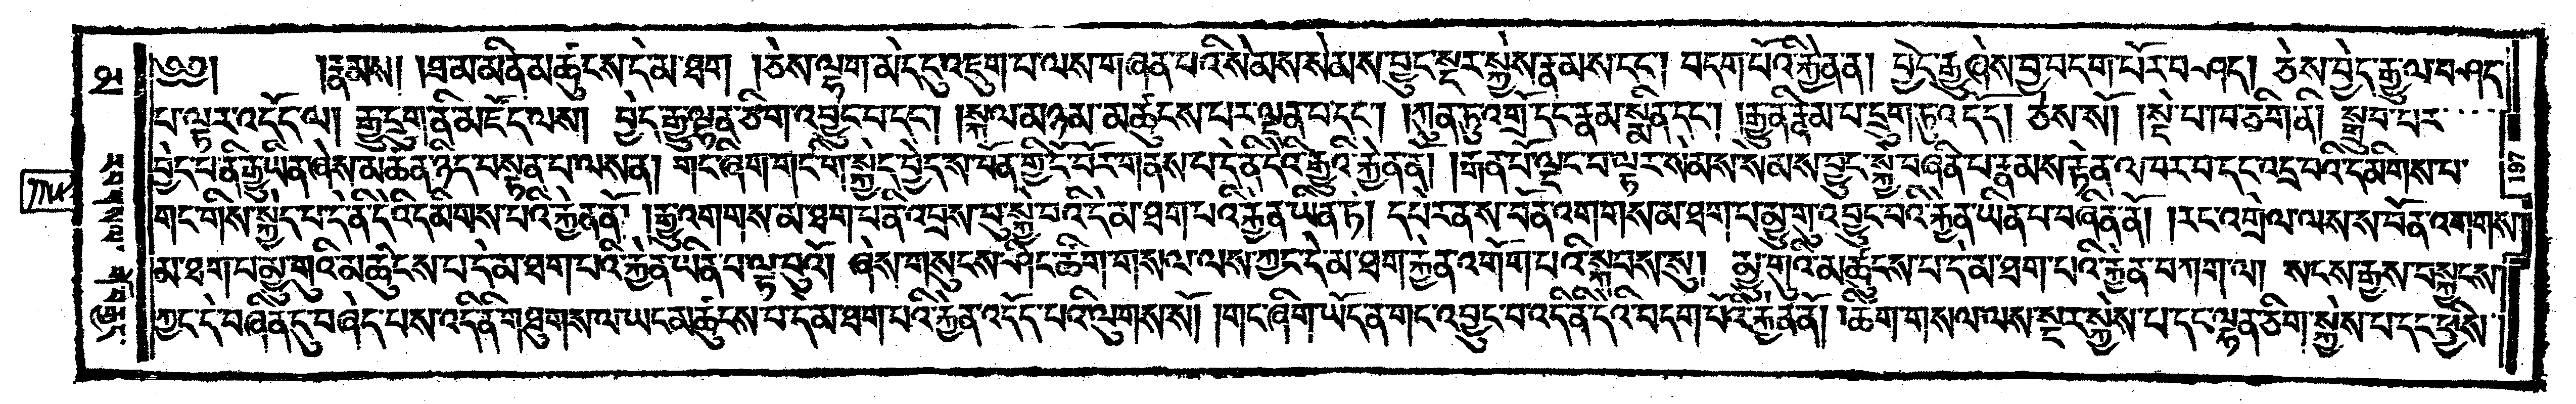༄༅། །རྣམས། །ཐ་མ་མིན་མཚུངས་དེ་མ་ཐག །ཅེས་ལྷག་མེད་དུ་འཇུག་པ་ལས་གཞན་པའི་སེམས་སེམས་བྱུང་སྔར་སྐྱེས་རྣམས་དང་། བདག་པོའི་རྐྱེན་ན། བྱེད་རྒྱུ་ཞེས་བྱ་བདག་པོར་བཤད། །ཅེས་བྱེད་རྒྱུ་ལ་བཤད་
པ་ལྟར་འདོད་ལ། རྒྱུ་དྲུག་ནི་མཛོད་ལས། བྱེད་རྒྱུ་ལྷན་ཅིག་འབྱུང་བ་དང་། །སྐལ་མཉམ་མཚུངས་པར་ལྡན་པ་དང་། །ཀུན་ཏུ་འགྲོ་དང་རྣམ་སྨིན་དང་། །རྒྱུ་ནི་རྣམ་པ་དྲུག་ཏུ་འདོད། ཅེས་སོ། །སྡེ་པ་ཁ་ཅིག་ནི། སྒྲུབ་པར་
བྱེད་པ་ནི་རྒྱུ་ཡིན་ཞེས་མཚན་ཉིད་བསྟན་པ་ལས་ན། གང་ཞིག་གང་གི་སྐྱེད་བྱེད་ས་བོན་གྱི་ངོ་བོར་གནས་པ་དེ་ནི་དེའི་རྒྱུའི་རྐྱེན་ནོ། །རྒན་པོ་ལྡང་བ་ལྟར་སེམས་སེམས་བྱུང་སྐྱེ་བཞིན་པ་རྣམས་རྟེན་འཁར་བ་དང་འདྲ་བའི་དམིགས་པ་
གང་གིས་སྐྱེད་པ་དེ་ནི་དེའི་དམིགས་པའི་རྐྱེན་ནོ། །རྒྱུ་འགགས་མ་ཐག་པ་ནི་འབྲས་བུ་སྐྱེ་བའི་དེ་མ་ཐག་པའི་རྐྱེན་ཡིན་ཏེ། དཔེར་ན་ས་བོན་འགགས་མ་ཐག་པ་མྱུ་གུ་འབྱུང་བའི་རྐྱེན་ཡིན་པ་བཞིན་ནོ། །རང་འགྲེལ་ལས་ས་བོན་འགགས་
མ་ཐག་པ་མྱུ་གུའི་མཚུངས་པ་དེ་མ་ཐག་པའི་རྐྱེན་ཡིན་པ་ལྟ་བུའོ། ཞེས་གསུངས་ཤིང་ཚིག་གསལ་ལས་ཀྱང་དེ་མ་ཐག་རྐྱེན་འགོག་པའི་སྐབས་སུ། མྱུ་གུའི་མཚུངས་པ་དེ་མ་ཐག་པའི་རྐྱེན་བཀག་ལ། སངས་རྒྱས་བསྐྱངས་
ཀྱང་དེ་བཞིན་དུ་བཞེད་པས་འདི་ནི་གཟུགས་ལ་ཡང་མཚུངས་པ་དེ་མ་ཐག་པའི་རྐྱེན་འདོད་པའི་ལུགས་སོ། །གང་ཞིག་ཡོད་ན་གང་འབྱུང་བ་འདི་ནི་དེའི་བདག་པོའི་རྐྱེན་ནོ། །ཚིག་གསལ་ལས་སྔར་སྐྱེས་པ་དང་ལྷན་ཅིག་སྐྱེས་པ་དང་ཕྱིས་